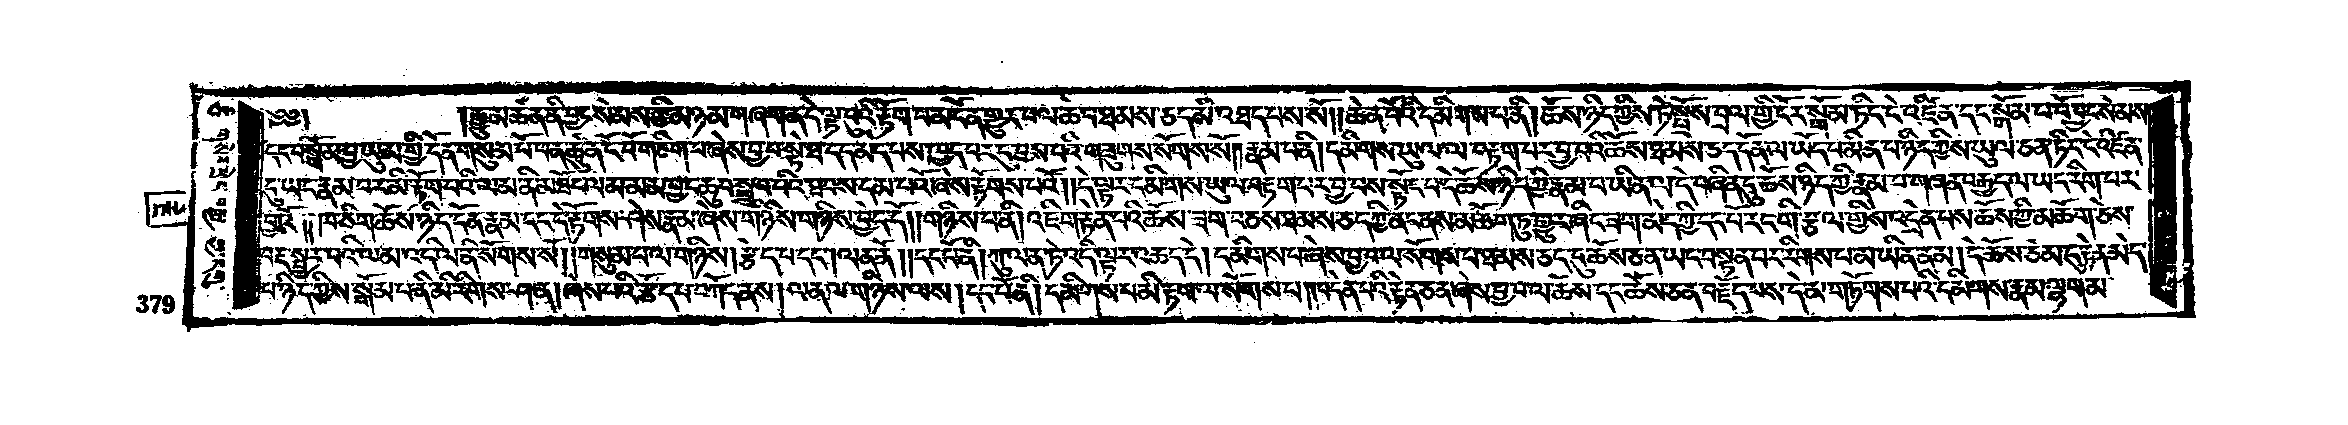༄༅། །རྒྱུ་མཚན་ནི་བྱང་སེམས་ཀྱི་མཉམ་གཞག་ན་དེ་ལྟ་བུའི་རྟོག་པ་མངོན་གྱུར་ཕལ་ཆེ་བ་ཐམས་ཅད་མི་འཐད་པས་སོ། །ཆེན་པོའི་དམིགས་པ་ནི། ཆོས་ཉིད་ཀྱིས་ཏེ་སྤྲོས་བྲལ་གྱི་ངོར་སྒོམ་ཏིང་ངེ་འཛིན་དང་སྒོམ་པ་པོ་བྱང་སེམས་
དང་བསྒོམ་བྱ་ཡུམ་གྱི་དོན་གསུམ་པོ་ཕན་ཚུན་ངོ་བོ་གཅིག་པ་ཞེས་བྱ་བ་སྟེ་ཐ་དད་མེད་པས་ཁྱད་པར་དུ་བྱས་པའི་གཟུགས་སོགས་སོ། །རྣམ་པ་ནི། དམིགས་ཡུལ་ལ་བརྟག་པར་བྱ་བའི་ཆོས་ཐམས་ཅད་དོན་ལ་ཡོད་པ་མིན་པ་ཉིད་ཀྱིས་ཡུལ་ཅན་ཏིང་ངེ་འཛིན་
དུ་ཡང་རྣམ་པར་མི་རྟོག་པའི་ལམ་ནི་མཐོང་ལམ་མམ་བྱང་ཆུབ་སྒྲུབ་པའི་ཐབས་དམ་པའོ་ཞེས་རྟོགས་པའོ། །དེ་ལྟར་དམིགས་ཡུལ་བརྟག་པར་བྱ་བས་སྟོང་པ་དེ་ཆོས་ཉིད་ཀྱི་རྣམ་པ་ཡིན་ལ་དེ་བཞིན་དུ་ཆོས་ཉིད་ཀྱི་རྣམ་པ་གཞན་བརྒྱད་ལ་ཡང་རིག་པར་
བྱའོ། །ཁ་ཅིག་ཆོས་ཉིད་དོན་རྣམ་དང་དེ་རྟོགས་ཤེས་རྣམ་ཞེས་གཉིས་གཉིས་བྱེད་དོ། །གཉིས་པ་ནི། འཇིག་རྟེན་པའི་ཆོས་ཟག་བཅས་ཐམས་ཅད་ཀྱི་ནང་ནས་མཆོག་ཏུ་གྱུར་ཞིང་ཟག་མེད་ཀྱི་དང་པོ་རང་གི་རྩལ་གྱིས་འདྲེན་པས་ཆོས་ཀྱི་མཆོག་ཅེས་
བརྡ་སྦྱར་བའི་ལམ་འདི་ལ་ནི་སོགས་སོ། །གསུམ་པ་ལ་གཉིས། རྩོད་པ་དང་། ལན་ནོ། །དང་པོ་ནི། ཀུ་ལན་ཏ་འདི་ལྟར་འཆད་དེ། དམིགས་པ་ཞེས་བྱ་བ་ལ་སོགས་པ་ཐམས་ཅད་དུ་ཆོས་ཅན་ཡང་བསྟན་པར་རིགས་པ་མ་ཡིན་ནམ། དེ་ཆོས་ཙམ་དུ་རྟེན་མེད་
པ་ཉིད་ཀྱིས་སྒོམ་པ་ནི་མི་རིགས་ཤ་ན། ཞེས་པའི་རྩོད་པ་བཀོད་ནས། ལན་ལ་གཉིས་ལས། དང་པོ་ནི། དམིགས་པ་མི་རྟག་ལ་སོགས་པ། །བདེན་པའི་རྟེན་ཅན་ཞེས་བྱ་བ་ལ་ཆོས་དང་ཆོས་ཅན་བརྗོད་པས་དེ་མ་གཏོགས་པའི་དམིགས་རྣམ་ལྷག་མ་